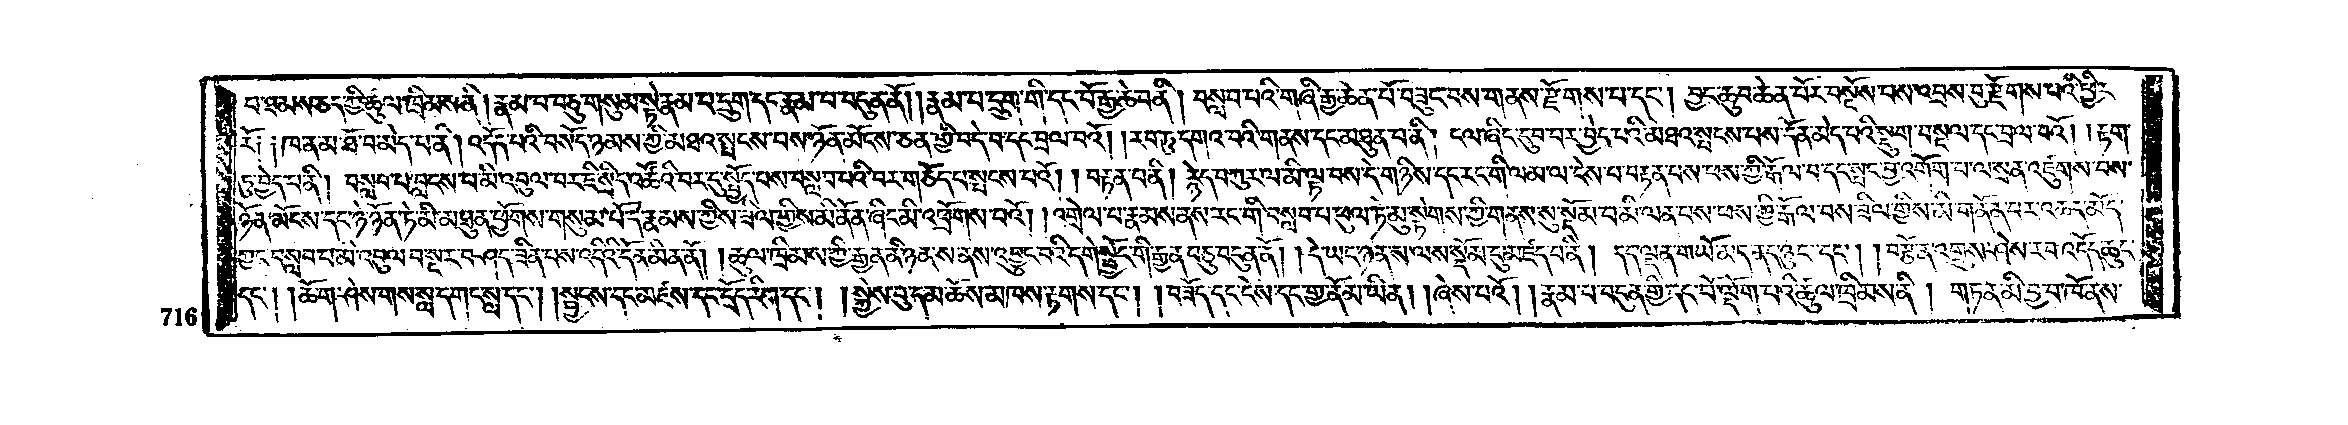པ་ཐམས་ཅད་ཀྱི་ཚུལ་ཁྲིམས་ནི། རྣམ་པ་བཅུ་གསུམ་སྟེ་རྣམ་པ་དྲུག་དང་རྣམ་པ་བདུན་ནོ། །རྣམ་པ་དྲུག་གི་དང་པོ་རྒྱ་ཆེ་བ་ནི། བསླབ་པའི་གཞི་རྒྱ་ཆེན་པོ་བཟུང་བས་གནས་རྫོགས་པ་དང་། བྱང་ཆུབ་ཆེན་པོར་བསྔོས་པས་འབྲས་བུ་རྫོགས་པའི་ཕྱིར་
རོ༑ ༑ཁ་ན་མ་ཐོ་བ་མེད་པ་ནི། འདོད་པའི་བསོད་ཉམས་ཀྱི་མཐའ་སྤངས་པས་ཉོན་མོངས་ཅན་གྱི་བདེ་བ་དང་བྲལ་བའོ། །རབ་ཏུ་དགའ་བའི་གནས་དང་མཐུན་པ་ནི། ངལ་ཞིང་དུབ་པར་བྱེད་པའི་མཐའ་སྤངས་པས་དོན་མེད་པའི་སྡུག་བསྔལ་དང་བྲལ་བའོ། །རྟག་
ཏུ་བྱེད་པ་ནི། བསླབ་པ་བླངས་པ་མི་འབུལ་བར་ཇི་སྲིད་འཚོའི་བར་དུ་སྤྱོད་པས་བསླབ་པའི་བར་གཅོད་པ་སྤངས་པའོ། །བརྟན་པ་ནི། རྙེད་བཀུར་ལ་མི་ལྟ་བས་དེ་གཉིས་དང་རང་གི་ལམ་ལ་ངེས་པ་བརྟན་པས་ཕས་ཀྱི་རྒོལ་བ་དང་དང་སྤང་བྱ་འགོག་པ་ལ་སྲན་འཛུགས་པས་
ཉོན་མོངས་དང་ཉེ་ཉོན་ཏེ་མི་མཐུན་ཕྱོགས་གསུམ་པོ་དེ་རྣམས་ཀྱིས་ཟིལ་གྱིས་མི་ནོན་ཞིང་མི་འཕྲོགས་བའོ། །འགྲེལ་པ་རྣམས་ནས་རང་གི་བསླབ་པ་ཕུལ་ཏེ་མུ་སྟེགས་ཀྱི་གནས་སུ་སྡོམ་པ་མི་ལན་པས་ཕས་ཀྱི་རྒོལ་བས་ཟིལ་གྱིས་མི་གནོན་པར་འཆད་མོད་
ཀྱང་བསླབ་པ་མི་འབུལ་བ་སྔར་བཤད་ཟིན་པས་འདིའི་དོན་མིན་ནོ། །ཚུལ་ཁྲིམས་ཀྱི་རྒྱན་ནི་ཉན་ས་ནས་འབྱུང་བའི་དགེ་སྦྱོང་གི་རྒྱན་བཅུ་བདུན་ནོ། །དེ་ཡང་ཉན་ས་ལས་སྡོམ་དུ་མཛད་པ་ནི། དད་ལྡན་གཡོ་མེད་ནད་ཉུང་དང་། །བརྩོན་འགྲུས་ཤེས་རབ་འདོད་ཆུང་
དང་། །ཆོ་ག་ཤེས་གས་སླད་གང་སླ་དང་། །སྦྱངས་དང་མཛས་དང་དྲོད་རིག་དང་། །སྐྱེས་བུ་དམ་ཆོས་མཁས་རྟགས་དང་། །བཟོད་དང་ངེས་དང་གྱ་ནོམ་ཡིན། །ཞེས་པའོ། །རྣམ་པ་བདུན་གྱི་དང་པོ་ལྡོག་པའི་ཚུལ་ཁྲིམས་ནི། གཏན་མི་བྱ་བ་ཁོ་ནས་